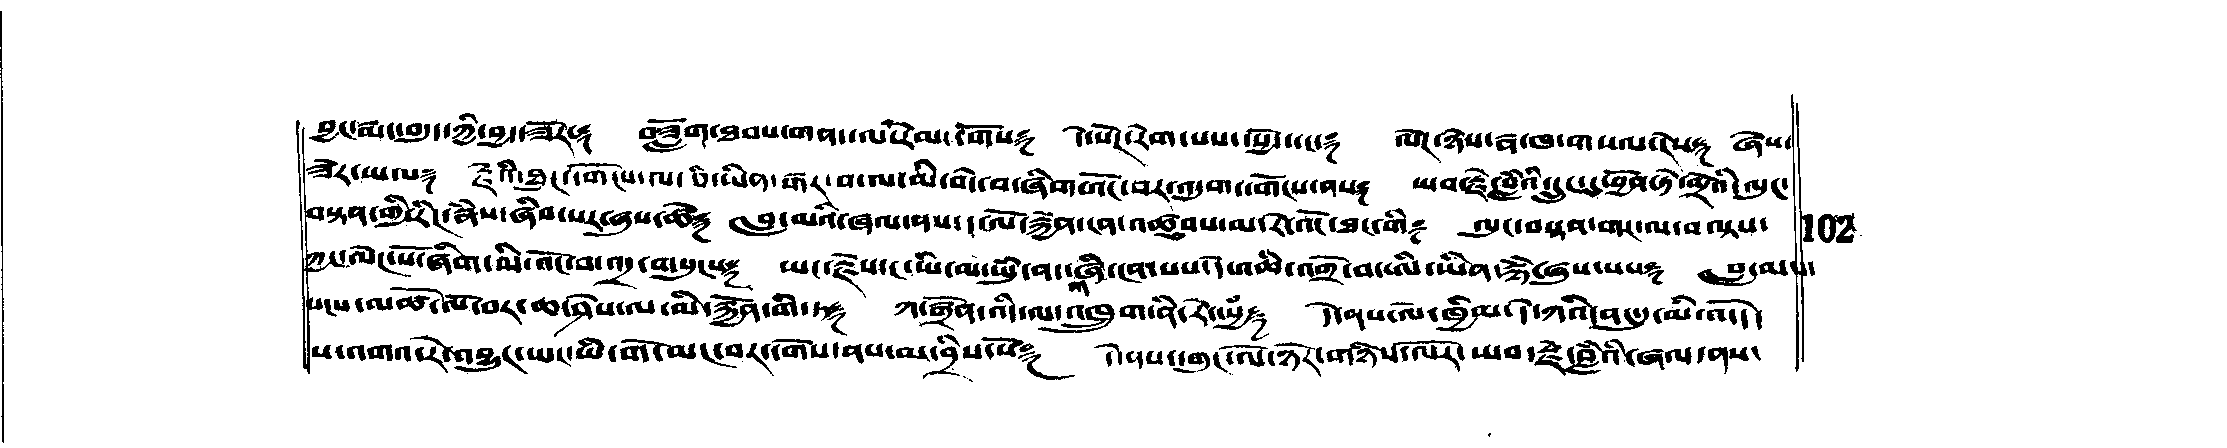།བྱང་སྨད་བདུད་ཀྱི་བྱད་ཟོར། །བཟློག་ཐབས་གནད་ལ་རེམ་དགོས། །དེ་སོགས་རིགས་པས་དཔྱོད་དང་། །ལེགས་ཉེས་སྣ་ཁ་གསལ་ངེས། །ཞེས་
ཟེར་ཡལ། རྗེའི་ཐུགས་དགོངས་ལ་ཅི་ཡིན་སྒར་བ་ལ་མི་བདེ་བ་ཞིག་འོང་བར་འདུག་དགོངས་ནས། ཡབ་རྗེ་བླ་མའི་དྲུང་དུ་བྱོན་ཏེ་མཁའ་འགྲོའི་ལུང་
བསྟན་གྱི་རིགས་རྣམས་ཞིབ་པར་ཞུས་ཚེ། བླ་མའི་ཞལ་ནས་ད་ལོ་རྐྱེན་ངན་འཚུབས་མ་རེ་འོང་ཐང་གི། ལུང་བསྟན་གང་ལ་བལྟས་
ཀྱང་ལེགས་པོ་ཞིག་མི་འོང་བ་འདྲ་གསུངས། ཡང་རྗེས་ང་ཡི་མ་ཡུམ་ནད་གཞི་ངན་པས་དེ་འཆི་འགྲོ་བ་ཨི་ཡིན་སྙམ་ཞུས་པས། བླ་མས་
སངས་མཚོ་ལོ་བར་ཆ་ཤེས་ལ་མི་སྐྱོན་གི་ཏ། ཀ་སྒྲོན་འདི་ལ་འཁྲུག་ནི་རེད་གསུང་། །དེ་ནས་ལོ་ཁྱིམ་དེ་ཀའི་ནང་དུ་མི་འདོད་
པ་འགའ་རེ་འབྱུང་ཡང་ཡི་གེ་མང་བར་དོགས་ནས་མ་བྲིས་སོ། དེ་ནས་དགུང་ལོ་ཉེར་གཉིས་ལོར་ཡབ་རྗེ་བླ་མའི་ཞལ་ནས་